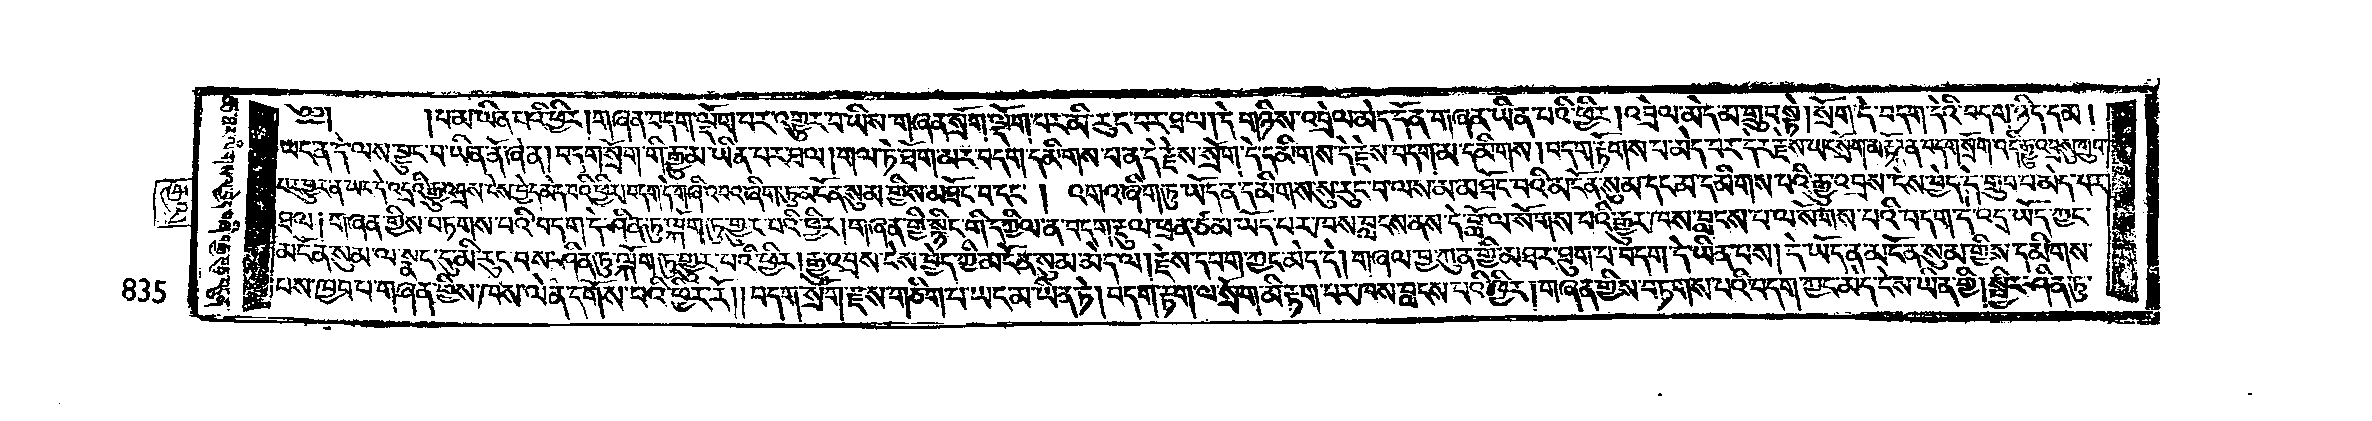༄༅། །པ་མ་ཡིན་པའི་ཕྱིར། གཞན་བདག་ལྡོག་པར་འགྱུར་བ་ཡིས་གཞན་སྲོག་ལྡོག་པར་མི་རུང་བར་ཐལ། དེ་གཉིས་འབྲེལ་མེད་དོན་གཞན་ཡིན་པའི་ཕྱིར། འབྲེལ་མེད་མ་གྲུབ་སྟེ། སྲོག་དེ་བདག་དེའི་བདག་ཉིད་དམ།
ཡང་ན་དེ་ལས་བྱུང་བ་ཡིན་ནོ་ཞེ་ན། བདག་སྲོག་གི་རྒྱུ་མ་ཡིན་པར་ཐལ། གལ་ཏེ་ཐོག་མར་བདག་དམིགས་པ་ན་དེ་རྗེས་སྲོག་དེ་དམིགས་དེ་རྗེས་བདག་མ་དམིགས། བདག་རྟོགས་པ་མེད་པར་དེར་རྗེས་ཡང་སྲོག་མ་རྟོཌ་ན་བདག་སྲོག་འདི་རྒྱུ་འབྲས་སུ་གྲུབ་
པར་གྱུར་ན་ཡང་དེ་འདྲའི་རྒྱུ་འབྲས་ངེས་བྱེད་མེད་པའི་ཕྱིར། བདག་དེ་གཞི་འབའ་ཞིག་ཏུ་མངོན་སུམ་གྱིས་མཐོང་བ་དང་། འགའ་ཞིག་ཏུ་ཡོད་ན་དམིགས་སུ་རུང་བ་ལས་མ་མཐོང་བའི་མངོན་སུམ་དང་མ་དམིགས་པའི་རྒྱུ་འབྲས་དེས་བྱེད་དེ་གྲུབ་པ་མེད་པར་
ཐལ། གཞན་གྱིས་བཏགས་པའི་བདག་དེ་ཤིན་ཏུ་ལྐོག་ཏུ་གྱུར་པའི་ཕྱིར། གཞན་གྱི་སྙིང་གི་དཀྱིལ་ན་བདག་རྡུལ་ཕྲན་ཙམ་ཡོད་པར་ཁས་བླངས་ནས་དེ་བློ་ལ་སོགས་པའི་རྒྱུར་ཁས་བླངས་པ་ལ་སོགས་པའི་བདག་དེ་འདྲ་ཡོད་ཀྱང་
མངོན་སུམ་ལ་སྣང་དུ་མི་རུང་བས་ཤིན་ཏུ་ལྐོག་ཏུ་གྱུར་པའི་ཕྱིར། རྒྱུ་འབྲས་ངེས་བྱེད་ཀྱི་མངོན་སུམ་མེད་ལ། རྗེས་དཔག་ཀྱང་མེད་དེ། གཞལ་བྱ་ཀུན་གྱི་མཐར་ཐུག་པ་བདག་དེ་ཡིན་པས། དེ་ཡོད་ན་མངོན་སུམ་གྱིས་དམིགས་
པས་ཁྱབ་པ་གཞན་གྱིས་ཁས་ལེན་དགོས་པའི་ཕྱིར་རོ། །བདག་སྲོག་རྫས་གཅིག་པ་ཡང་མ་ཡིན་ཏེ། བདག་རྟག་ལ་སྲོག་མི་རྟག་པར་ཁས་བླངས་པའི་ཕྱིར། གཞན་གྱིས་བཏགས་པའི་བདག་ཀྱང་མེད་ངེས་ཡིན་གྱི། སྤྱིར་ཤིན་ཏུ་